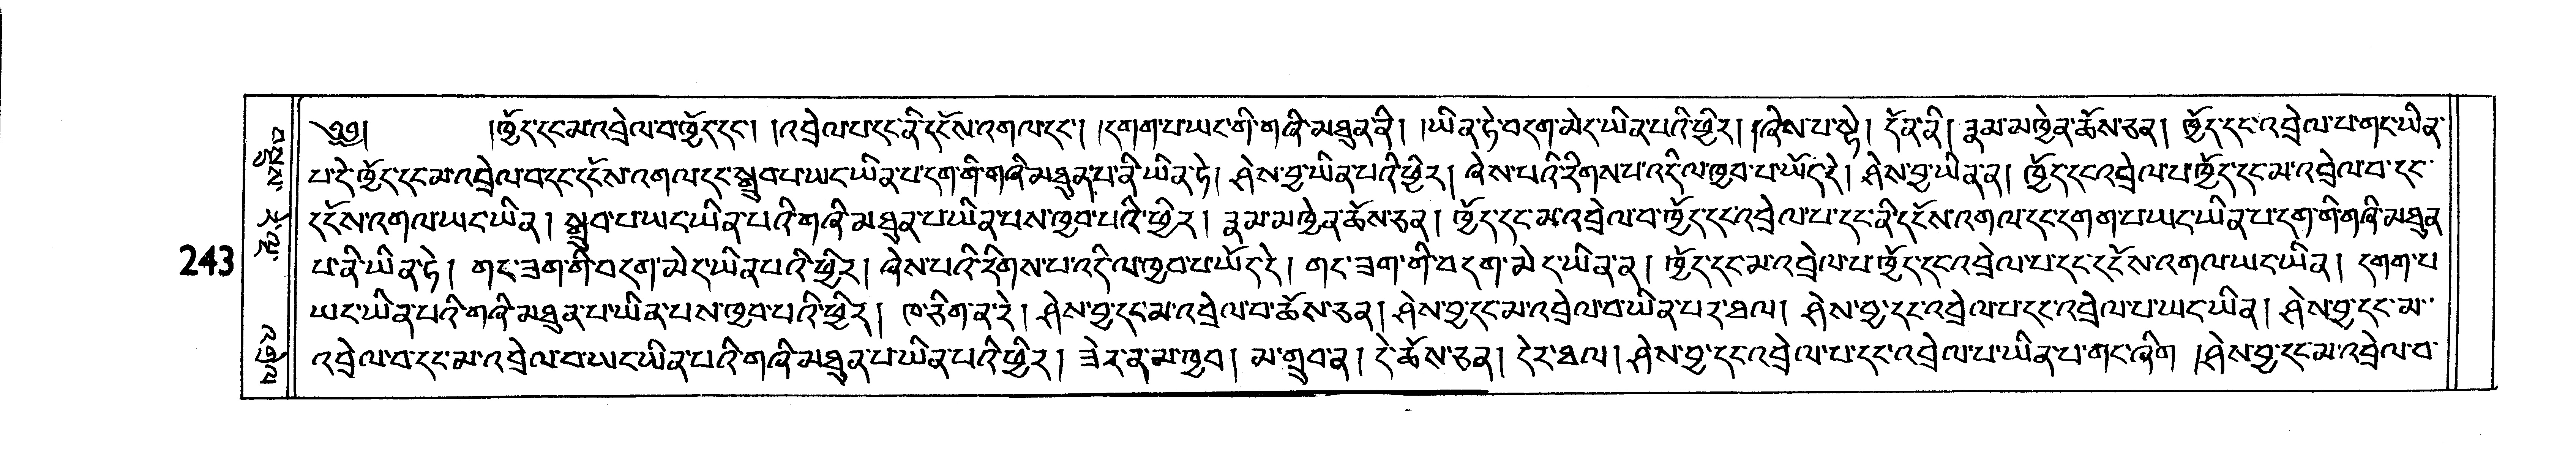༄༅། །ཁྱོད་དང་མ་འབྲེལ་བ་ཁྱོད་དང་། །འབྲེལ་པ་དང་ནི་དངོས་འགལ་དང་། །དགག་པ་ཡང་གི་གཞི་མཐུན་ནི། །ཡིན་ཏེ་བདག་མེད་ཡིན་པའི་ཕྱིར། །ཞིས་པ་སྟེ། དོན་ནི། རྣམ་མཁྱེན་ཆོས་ཅན། ཁྱོད་དང་འབྲེལ་པ་གང་ཡིན་
པ་དེ་ཁྱོད་དང་མ་འབྲེལ་བ་དང་དངོས་འགལ་དང་སྒྲུབ་པ་ཡང་ཡིན་པ་དག་གི་གཞི་མཐུན་པ་ནི་ཡིན་ཏེ། ཤེས་བྱ་ཡིན་པའི་ཕྱིར། ཞེས་པའི་རིགས་པ་འདི་ལ་ཁྱབ་པ་ཡོད་དེ། ཤེས་བྱ་ཡིན་ན། ཁྱོད་དང་འབྲེལ་པ་ཁྱོད་དང་མ་འབྲེལ་བ་དང་
དངོས་འགལ་ཡང་ཡིན། སྒྲུབ་པ་ཡང་ཡིན་པའི་གཞི་མཐུན་པ་ཡིན་པས་ཁྱབ་པའི་ཕྱིར། རྣམ་མཁྱེན་ཆོས་ཅན། ཁྱོད་དང་མ་འབྲེལ་བ་ཁྱོད་དང་འབྲེལ་པ་དང་ནི་དངོས་འགལ་དང་དགག་པ་ཡང་ཡིན་པ་དག་གི་གཞི་མཐུན་
པ་ནི་ཡིན་ཏེ། གང་ཟག་གི་བདག་མེད་ཡིན་པའི་ཕྱིར། ཞེས་པའི་རིགས་པ་འདི་ལ་ཁྱབ་པ་ཡོད་དེ། གང་ཟག་གི་བདག་མེད་ཡིན་ན། ཁྱོད་དང་མ་འབྲེལ་པ་ཁྱོད་དང་འབྲེལ་པ་དང་དངོས་འགལ་ཡང་ཡིན། དགག་པ་
ཡང་ཡིན་པའི་གཞི་མཐུན་པ་ཡིན་པས་ཁྱབ་པའི་ཕྱིར། ཁ་ཅིག་ན་རེ། ཤེས་བྱ་དང་མ་འབྲེལ་བ་ཆོས་ཅན། ཤེས་བྱ་དང་མ་འབྲེལ་བ་ཡིན་པར་ཐལ། ཤེས་བྱ་དང་འབྲེལ་པ་དང་འབྲེལ་པ་ཡང་ཡིན། ཤེས་བྱ་དང་མ་
འབྲེལ་བ་དང་མ་འབྲེལ་བ་ཡང་ཡིན་པའི་གཞི་མཐུན་པ་ཡིན་པའི་ཕྱིར། ཟེར་ན་མ་ཁྱབ། མ་གྲུབ་ན། དེ་ཆོས་ཅན། དེར་ཐལ། ཤེས་བྱ་དང་འབྲེལ་པ་དང་འབྲེལ་པ་ཡིན་པ་གང་ཞིག །ཤེས་བྱ་དང་མ་འབྲེལ་བ་